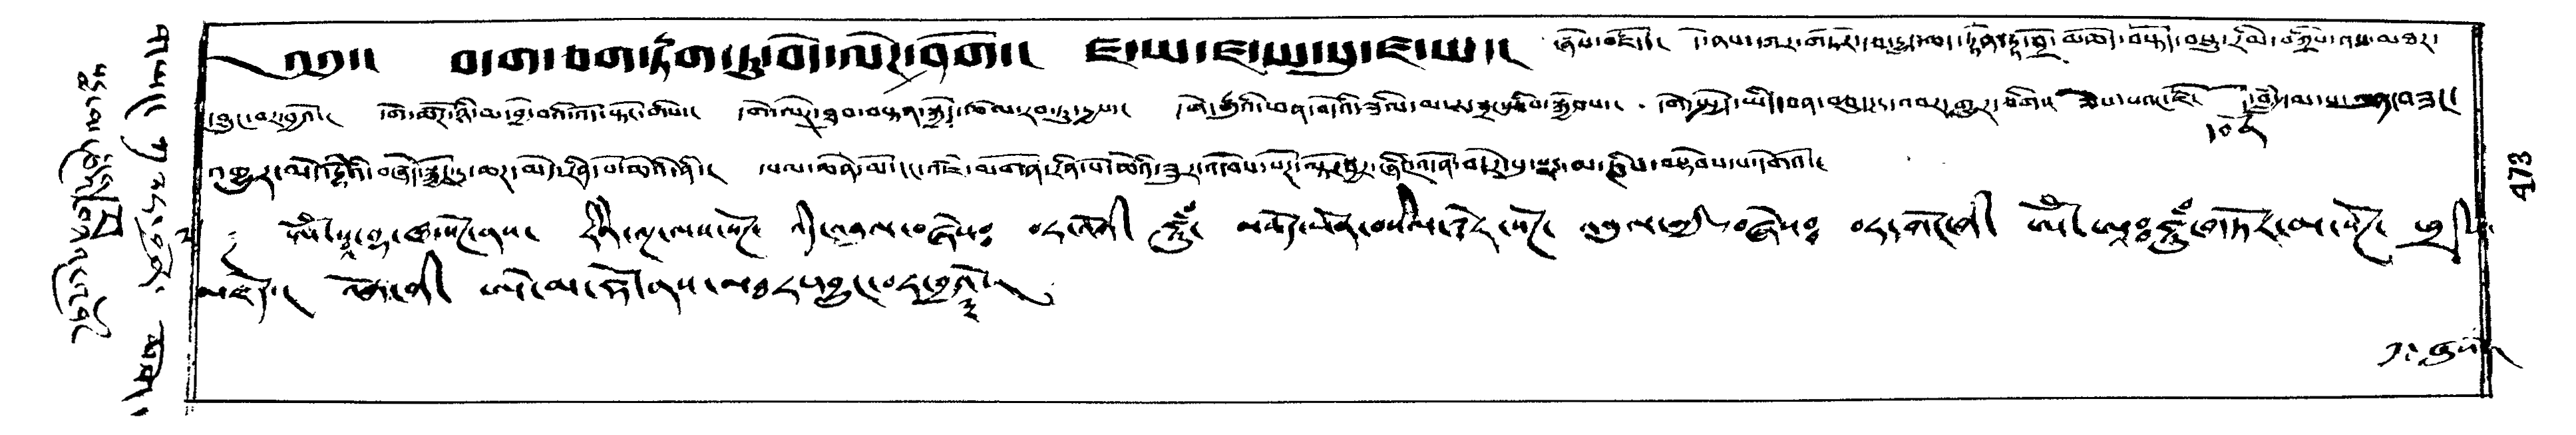།བདག་ཅག་རྟག་ཏུ་བདེ་ལེགས་ཤོག ཛ་ཡ་ཛ་ཡ་སུ་ཛ་ཡ། ཞེས་བརྗོད། དེ་ནས་དཀར་གཏོར། རྩ་རྒྱུད། ཆད་རྟེན། རྟ་བྲོ། མཆོད་བསྟོད། སྡུམ་རིམ། བཀྲ་ཤིས་ནས་མཐར་
དབྱུང་བར་བྱའོ།། དགེ་ཚོགས་ཉི་མ་བྱེ་བའི་འོད་སྟོང་གིས། །དགེ་ལེགས་ཐུབ་བསྟན་སྐྱེད་ཚལ་རབ་ཏུ་རྒྱས། དགེ་རྒུའི་ཕན་བདེའི་ཟིལ་མངར་སྦྲང་རྩིས་སྐྱོབ། །དགེ་སྤྱོད་ཡིད་ཅན་བཅུད་དུ་འབར་གྱུར་ཅིག ཅེས་པའང་། རྫོང་དབོན་བླ་མ་དམ་པ་ཀུན་བཟང་
འགྱུར་མེད་རྡོ་རྗེའི་བཞེད་སྐོང་དུ་ཆགས་མེད་རིན་པོ་ཆེའི་དཔལ་ཆེན་མོ་དང་། འཇམ་མགོན་རིན་པོ་ཆེའི་ཟུར་འདེབས་སོགས་ལྟོ་སྦྱར་ཞིང་འདོན་བདེར་པདྨ་མ་ཎིས་བསྡེབས་པ་དགེའོ།། །།
༑ཨོྃ་སྭ་བྷ་ཝ་སོགས་ནས། རིན་ཅེན་ལྔ་ལས་སོགས། འདི་འབུལ་བཞེསཿ བར་འོག་གི། ཧཱུྃ། མཆོད་ཡོན་བསིལ་ཟེར་སོགས། འབུལ་གྱིས་བཞེས། བཞད་གོང་ནི། ཨོཾ་ཨཿཧཱུཾ་གཏོར་མ་སོགས། ཕྲིན་ལས་
མཛོད། འགོ་ནི། ཨེ་མ་ཧོ་ནས་མཐར་དབྱུང་བར་བྱའོ་གསུམ། གཅིག་ཞུས་པའོ། །